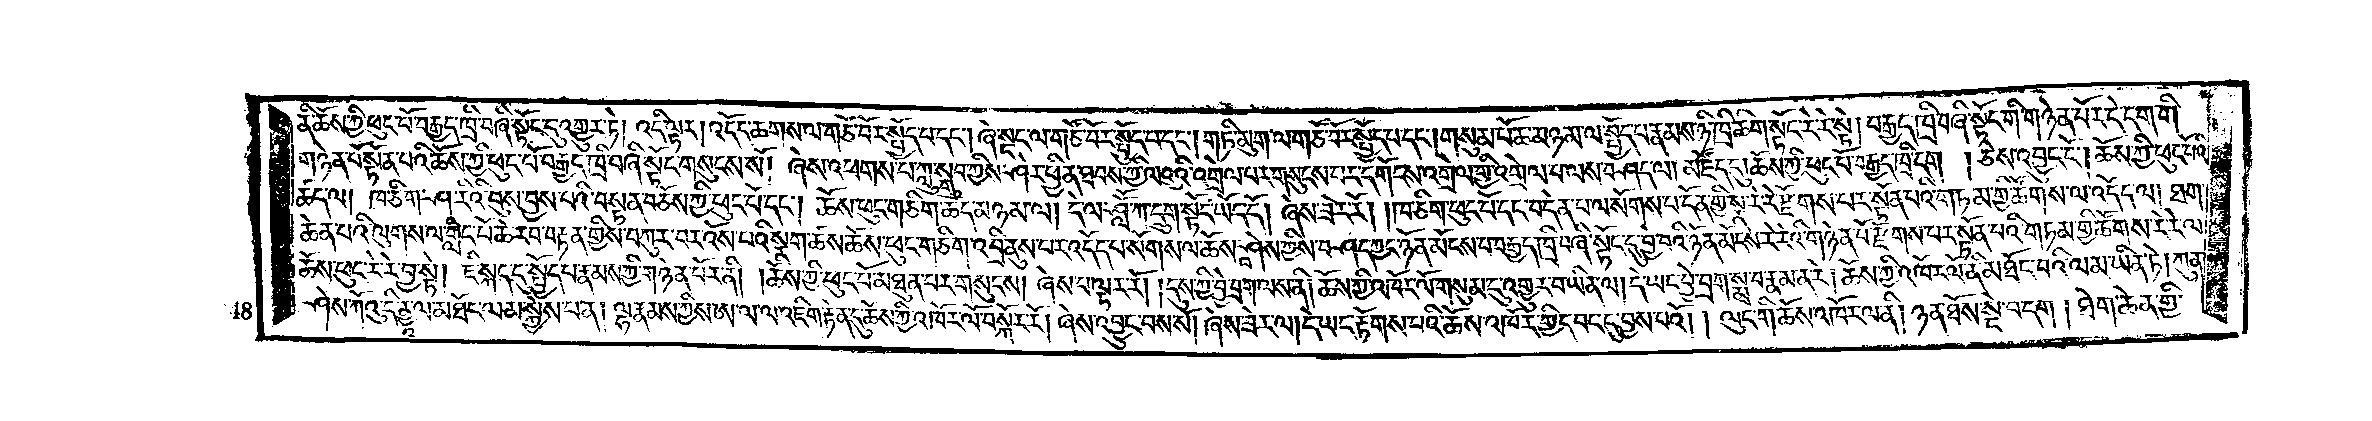ནི་ཆོས་ཀྱི་ཕུང་པོ་བརྒྱད་ཁྲི་བཞི་སྟོང་དུ་འགྱུར་ཏེ། འདི་ལྟར། འདོད་ཆགས་ལ་གཙོ་བོར་སྤྱོད་པ་དང་། ཞེ་སྡང་ལ་གཙོ་བོར་སྤྱོད་པ་དང་། གཏི་མུག་ལ་གཙོ་བོར་སྤྱོད་པ་དང་། གསུམ་པོ་ཆ་མཉམ་ལ་སྤྱོད་པ་རྣམས་ཉི་ཁྲི་ཆིག་སྟོང་རེ་རེ་སྟེ། བརྒྱད་ཁྲི་བཞི་སྟོང་གི་གཉེན་པོར་དེ་དག་གི་
གཉེན་པོ་སྟོན་པའི་ཆོས་ཀྱི་ཕུང་པོ་བརྒྱད་ཁྲི་བཞི་སྟོང་གསུངས་སོ། ཞེས་འཕགས་པ་ཀླུ་སྒྲུབ་ཀྱིས་ཤེར་ཕྱིན་ཐབས་ཀྱི་ལེའུའི་འགྲེལ་པར་གསུངས་པར་དགོངས་འགྲེལ་གྱི་འགྲེལ་པ་ལས་བཤད་ལ། མཛོད་དུ། ཆོས་ཀྱི་ཕུང་པོ་བརྒྱད་ཁྲི་དག། ཅེས་འབྱུང་ངོ། ཆོས་ཀྱི་ཕུང་པོའི་
ཚད་ལ། ཁ་ཅིག་ཤ་རིའི་བུས་བྱས་པའི་བསྟན་བཅོས་ཀྱི་ཕུང་པོ་དང་། ཆོས་ཕུང་གཅིག་ཚད་མཉམ་ལ། དེ་ལ་ཤོ་ལོ་ཀ་དྲུག་སྟོང་ཡོད་དོ། ཞེས་ཟེར་རོ། །ཁ་ཅིག་ཕུང་པོ་དན་བདེན་པ་ལ་སོགས་པ་དོན་གྱི་སྣ་རེ་རེ་རྫོགས་པར་སྟོན་པའི་གཏམ་གྱི་ཚོགས་ལ་འདོད་ལ། ཐག་
ཆེན་པའི་ལུགས་ལ་གླིང་པོ་ཆེ་རབ་བརྟན་གྱིས་བཀུར་བར་འོས་པའི་སྣག་ཚས་ཆོས་ཕུང་གཅིག་འབྲི་ནུས་པར་འདོད་པ་སོགས་ལ་ཆོས་བཤེས་ཀྱིས་བཤད་ཀྱང་ཉོན་མོངས་པ་བརྒྱད་ཁྲི་བཞི་སྟོང་དུ་བྱ་བའི་ཉོན་མོངས་རེ་རེའི་གཉེན་པོ་རྫོགས་པར་སྟོན་པའི་གཏམ་གྱི་ཚོགས་རེ་རེ་ལ་
ཆོས་ཕུང་རེ་རེ་བྱ་སྟེ། ཇི་སྐད་དུ་སྤྱོད་པ་རྣམས་ཀྱི་གཉེན་པོར་ནི། །ཆོས་ཀྱི་ཕུང་པོ་མཐུན་པར་གསུངས། ཞེས་པ་ལྟར་རོ། །དུས་ཀྱི་བྱེ་བྲག་ལས་ནི། ཆོས་ཀྱི་འཁོར་ལོ་གསུམ་དུ་འགྱུར་བ་ཡིན་ལ། དེ་ཡང་བྱེ་བྲག་སྨྲ་བ་རྣམ་ན་རེ། ཆོས་ཀྱི་འཁོར་ལོ་ནི་མཐོང་བའི་ལམ་ཡིན་ཏེ། ཀུན་
ཤེས་ཀོའུ་དི་ནྱཱ་ལ་མཐོང་ལམ་སྐྱེས་པ་ན། ལྷ་རྣམས་ཀྱིས་ཨ་ལ་ལ་འཇིག་རྟེན་དུ་ཆོས་ཀྱི་འཁོར་ལོ་བསྐོར་རོ། ཞེས་འབྱུང་བས་སོ། ཞེས་ཟེར་ལ། དེ་ཡང་རྟོགས་པའི་ཆོས་འཁོར་གྱི་དབང་དུ་བྱས་པའོ། །ལུང་གི་ཆོས་འཁོར་ལ་ནི། ཉན་ཐོས་སྡེ་བ་དག། ཐེག་ཆེན་གྱི་